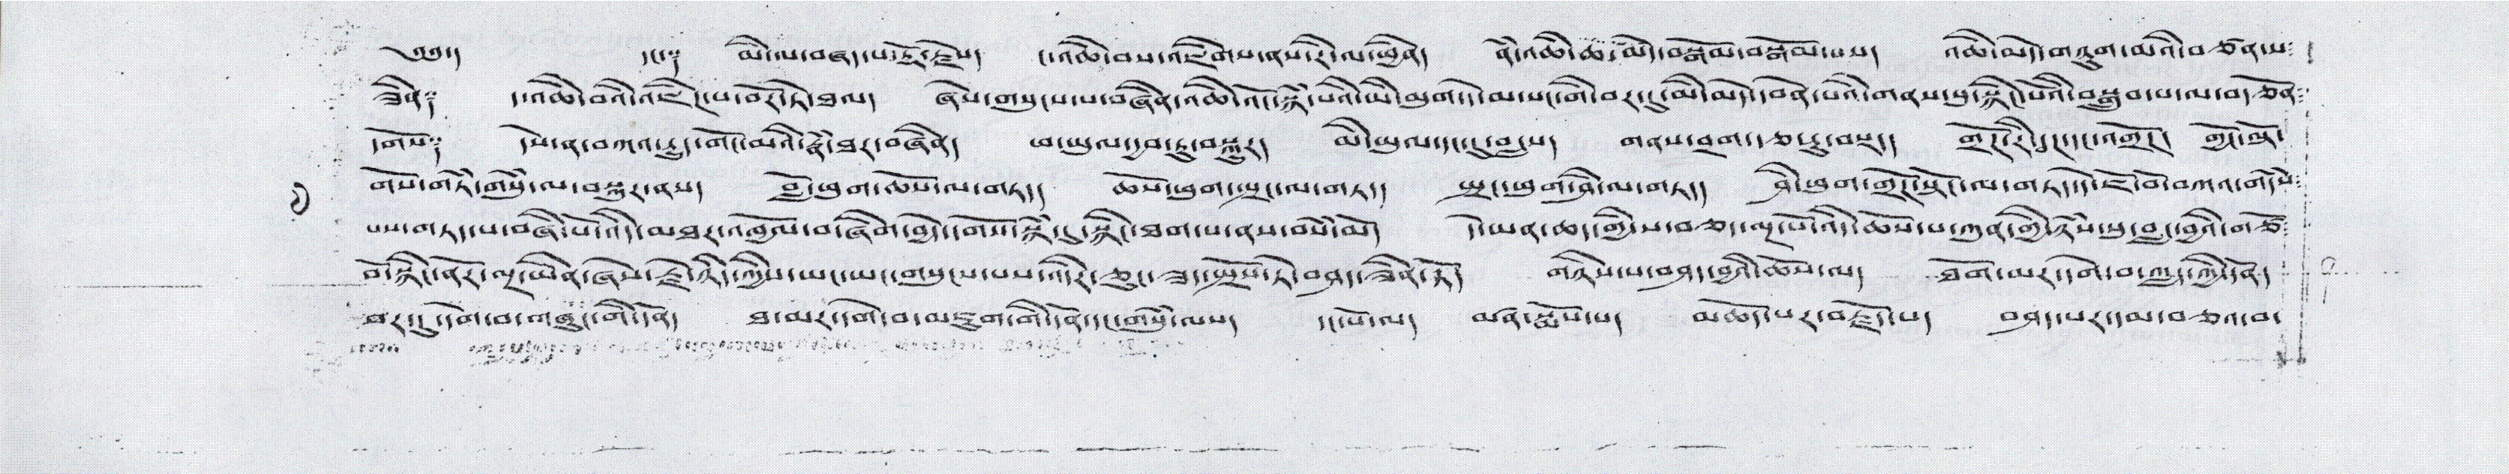དང་། མིད་ལ་བཞད་པའི་རྡོ་རྗེས། ང་འཆི་བས་འཇིགས་ནས་རི་ལ་ཕྱིན། །ནམ་འཆི་ཆ་མེད་བསྒོམ་བསྒོམ་པས། །འཆི་མེད་གཉུག་མའི་བཙན་ས་
ཟིན། །ད་འཆི་བའི་འཇིགས་པ་བོར་ཏེ་ཐལ། །ཞེས་གསུངས་པ་བཞིན་འཆི་འོང་སྙམ་པའི་ཡི་མུག་དེ་མ་སང་གི་བར་དུ་མི་མེད་དབེན་པའི་གནས་སུ་སྙིང་པོའི་བསྒྲུབ་པ་ལ་བརྩོན་
དགོས། དེས་ན་བཀའ་བརྒྱུད་གོང་མའི་རྣམ་ཐར་བཞིན། ཕ་ཡུལ་རྒྱབ་ཏུ་བསྐྱུར། མི་ཡུལ་དང་དུ་བླང་། གནས་བྲག་རྩ་རུ་བསྡད། གྲོགས་རི་དྭགས་དང་འགྲོགས། གྱོང་ལྟོ་
གོས་གཏམ་གསུམ་ལ་བསྐུར་ནས། བློ་ཕུག་ཆོས་ལ་གཏད། ཆོས་ཕུག་སྤྲང་ལ་གཏད། སྤྲང་ཕུག་ཤི་ལ་གཏད། ཤི་ཕུག་གྲོག་སྟོང་ལ་གཏད་དེ་ཇོ་བོ་བཀའ་གདམས་
པས་གཏད་པ་བཞི་པོ་འདི་མཐར་འཁྱོལ་བ་ཞིག་བྱེད་དགོས་སྙམ་དུ་སྙིང་ཐག་པ་ནས་བསམ་མོ། །དེ་ཡན་ཆད་ཀྱི་ས་བཅད་ལྔ་པོ་འདི་ཆོས་པ་ཀུན་གྱིས་ཉམས་སུ་བླང་བྱའི་གཙོ་
བོ་སྙིང་ནོར་ལྔ་ཡིན་ཞེས་རྗེ་ཉིད་ཀྱིས་ཡང་ཡང་གསུངས་པས་འདིར་ཅུང་ཟད་སྤྲོས་ཏེ་བཤད་ཟིན་ཏོ། །གཉིས་པ་བཤད་བྱའི་ཆོས་ལ། ཐོག་མར་དགེ་བ་ཀླད་ཀྱི་དོན། 
བར་དུ་དགེ་བ་གཞུང་གི་དོན། ཐ་མར་དགེ་བ་མཇུག་གི་དོན་དང་གསུམ་ལས། དང་པོ་ལ། མཚན་སྨོས་པ། མཆོད་པར་བརྗོད་པ། བཤད་པར་དམ་བཅའ་བ་